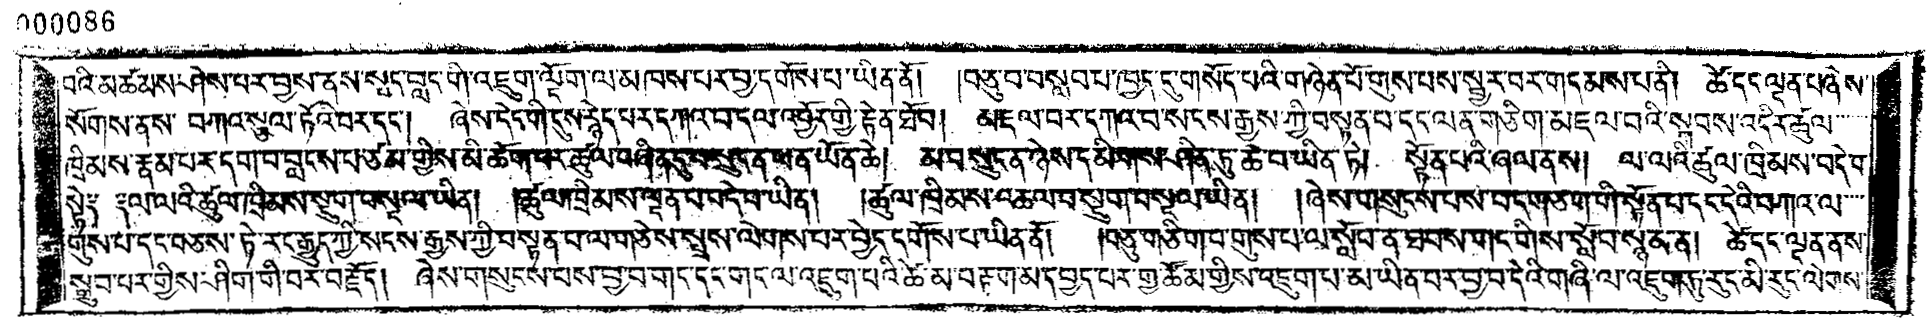བའི་མཚམས་ཤེས་པར་བྱས་ནས་སྤང་བླང་གི་འཇུག་ལྡོག་ལ་མཁས་པར་བྱ་དགོས་པ་ཡིན་ནོ། །བཅུ་པ་བསླབ་པ་ཁྱད་དུ་གསོད་པའི་གཉེན་པོ་གུས་པས་སྦྱར་བར་གདམས་པ་ནི། ཚེ་དང་ལྡན་པ་ཞེས་
སོགས་ནས་བཀའ་སྩལ་ཏོའི་བར་དང་། ཞེས་དེང་གི་དུས་རྙེད་པར་དཀའ་བ་དལ་འབྱོར་གྱི་རྟེན་ཐོབ། མཇལ་བར་དཀའ་བ་སངས་རྒྱས་ཀྱི་བསྟན་པ་དང་ལན་གཅིག་མཇལ་བའི་སྐབས་འདིར་ཚུལ་
ཁྲིམས་རྣམ་པར་དག་པ་བླངས་པ་ཙམ་གྱིས་མི་ཆོག་པར་ཚུལ་བཞིན་དུ་བསྲུང་ན་ཕན་ཡོན་ཆེ། མ་བསྲུང་ན་ཉེས་དམིགས་ཤིན་ཏུ་ཆེ་བ་ཡིན་ཏེ། སྟོན་པའི་ཞལ་ནས། ལ་ལའི་ཚུལ་ཁྲིམས་བདེ་བ་
སྟེ༑ ༑ལ་ལའི་ཚུལ་ཁྲིམས་སྡུག་བསྔལ་ཡིན། །ཚུལ་ཁྲིམས་ལྡན་པ་བདེ་བ་ཡིན། །ཚུལ་ཁྲིམས་འཆལ་བ་སྡུག་བསྔལ་ཡིན། །ཞེས་གསུངས་པས་བདག་ཅག་གི་སྟོན་པ་དང་དེའི་བཀའ་ལ་
གུས་པ་དང་བཅས་ཏེ་རང་རྒྱུད་ཀྱི་སངས་རྒྱས་ཀྱི་བསྟན་པ་ལ་གཅེས་སྤྲས་ལེགས་པར་བྱེད་དགོས་པ་ཡིན་ནོ། །བཅུ་གཅིག་པ་གུས་པ་ལ་སློབ་ན་ཐབས་གང་གིས་སློབ་སྙམ་ན། ཚེ་དང་ལྡན་ནས་
སྒྲུབ་པར་གྱིས་ཤིག་གི་བར་བརྗོད། ཞེས་གསུངས་པས་བྱ་བ་གང་དང་གང་ལ་འཇུག་པའི་ཚེ་མ་བརྟག་མ་དཔྱད་པར་གྱ་ཚོམ་གྱིས་འཇུག་པ་མ་ཡིན་པར་བྱ་བ་དེའི་གཞི་ལ་འཇུག་ཏུ་རུང་མི་རུང་ལེགས་